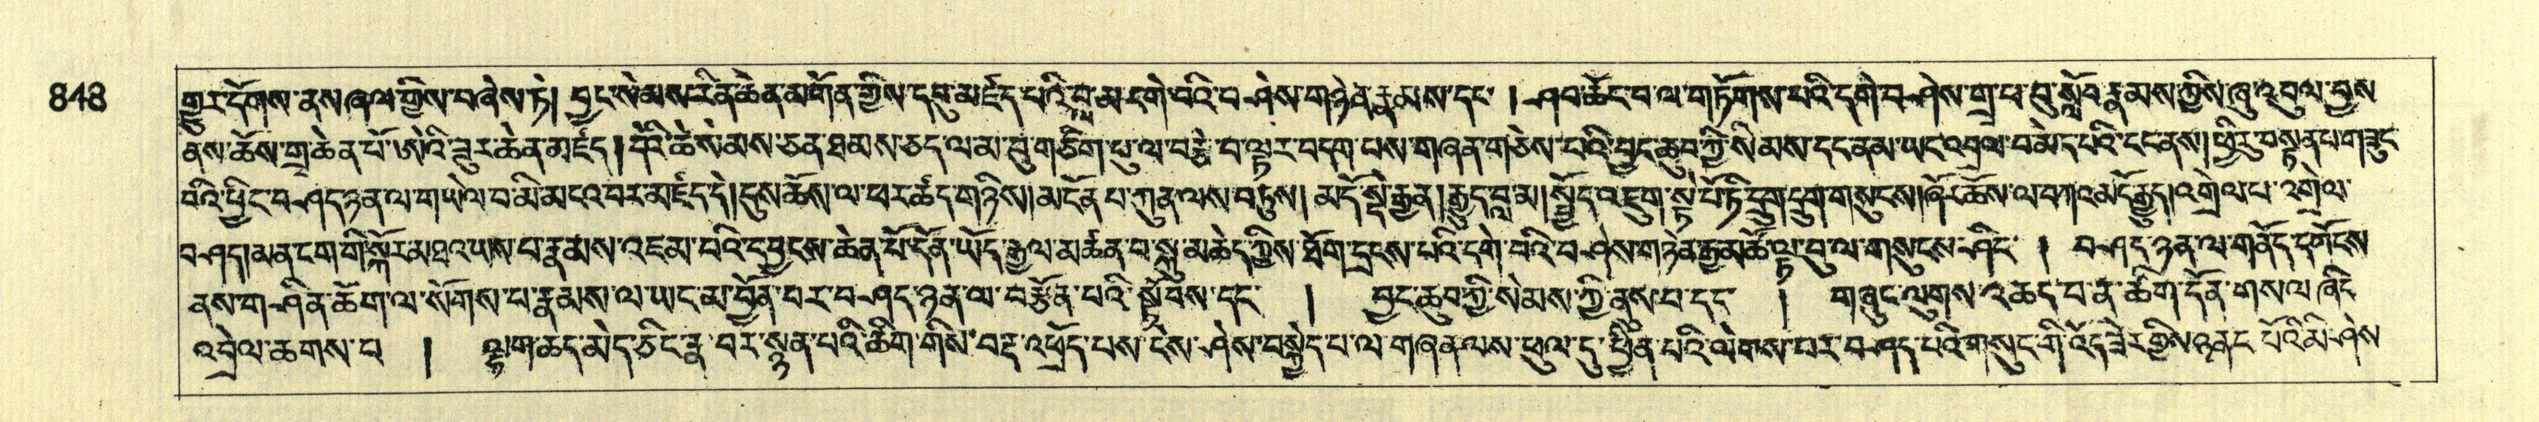གྱུར་དོགས་ནས་ཞལ་གྱིས་བཞེས་ཏེ། བྱང་སེམས་རིན་ཆེན་མགོན་གྱིས་དབུ་མཛད་པའི་བླ་མ་དགེ་བའི་བཤེས་གཉེན་རྣམས་དང་། ཤབ་ཆོང་བ་ལ་གཏོགས་པའི་དགེ་བཤེས་གྲྭ་ཕ་བུ་སློབ་རྣམས་ཀྱིས་ཞུ་འབུལ་བྱས་
ནས་ཆོས་གྲྭ་ཆེན་པོ་ཨེའི་ཟུར་ཆེན་མཛད། དེའི་ཚེ་སེམས་ཅན་ཐམས་ཅད་ལ་མ་བུ་གཅིག་པུ་ལ་བརྩེ་བ་ལྟར་བདག་པས་གཞན་གཅེས་པའི་བྱང་ཆུབ་ཀྱི་སེམས་དང་ནམ་ཡང་འབྲལ་བ་མེད་པའི་ངང་ནས། ཕྱི་རུ་བསྟན་པ་གཟུང་
བའི་ཕྱིར་བཤད་ཉན་ལ་གཡེལ་བ་མི་མངའ་བར་མཛད་དེ། དུས་ཆོས་ལ་ཕར་ཚད་གཉིས། མངོན་པ་ཀུན་ལས་བཏུས། མདོ་སྡེ་རྒྱན། རྒྱུད་བླ་མ། སྤྱོད་འཇུག་སྟེ་པོ་ཏི་དྲུག་དྲུག་གསུངས། ཞོར་ཆོས་ལ་བཀའ་མདོ་རྒྱུད། འགྲེལ་པ་འགྲེལ་
བཤད། མན་ངག་གི་སྐོར་མཐའ་ཡས་བ་རྣམས་འཇམ་པའི་དབྱངས་ཆེན་པོ་དོན་ཡོད་རྒྱལ་མཚན་བ་སྐུ་མཆེད་ཀྱིས་ཐོག་དྲངས་པའི་དགེ་བའི་བཤེས་གཉེན་རྒྱ་མཚོ་ལྟ་བུ་ལ་གསུངས་ཤིང་། བཤད་ཉན་ལ་གནོད་དགོངས་
ནས་གཤིན་ཆོག་ལ་སོགས་པ་རྣམས་ལ་ཡང་མ་བྱོན་བར་བཤད་ཉན་ལ་བརྩོན་པའི་སྟོབས་དང་། བྱང་ཆུབ་ཀྱི་སེམས་ཀྱི་ནུས་པ་དང་། གཞུང་ལུགས་འཆད་བ་ན་ཚིག་དོན་གསལ་ཞིང་
འབྲེལ་ཆགས་པ། ལྷག་ཆད་མེད་ཅིང་རྣ་བར་སྙན་པའི་ཚིག་གིས་བརྡ་འཕྲོད་པས་ངེས་ཤེས་བསྐྱེད་པ་ལ་གཞན་ལས་ཕུལ་དུ་ཕྱིན་པའི་ལེགས་བར་བཤད་པའི་གསུང་གི་འོད་ཟེར་གྱིས་ཉ་ནང་པོའི་མི་ཤེས་